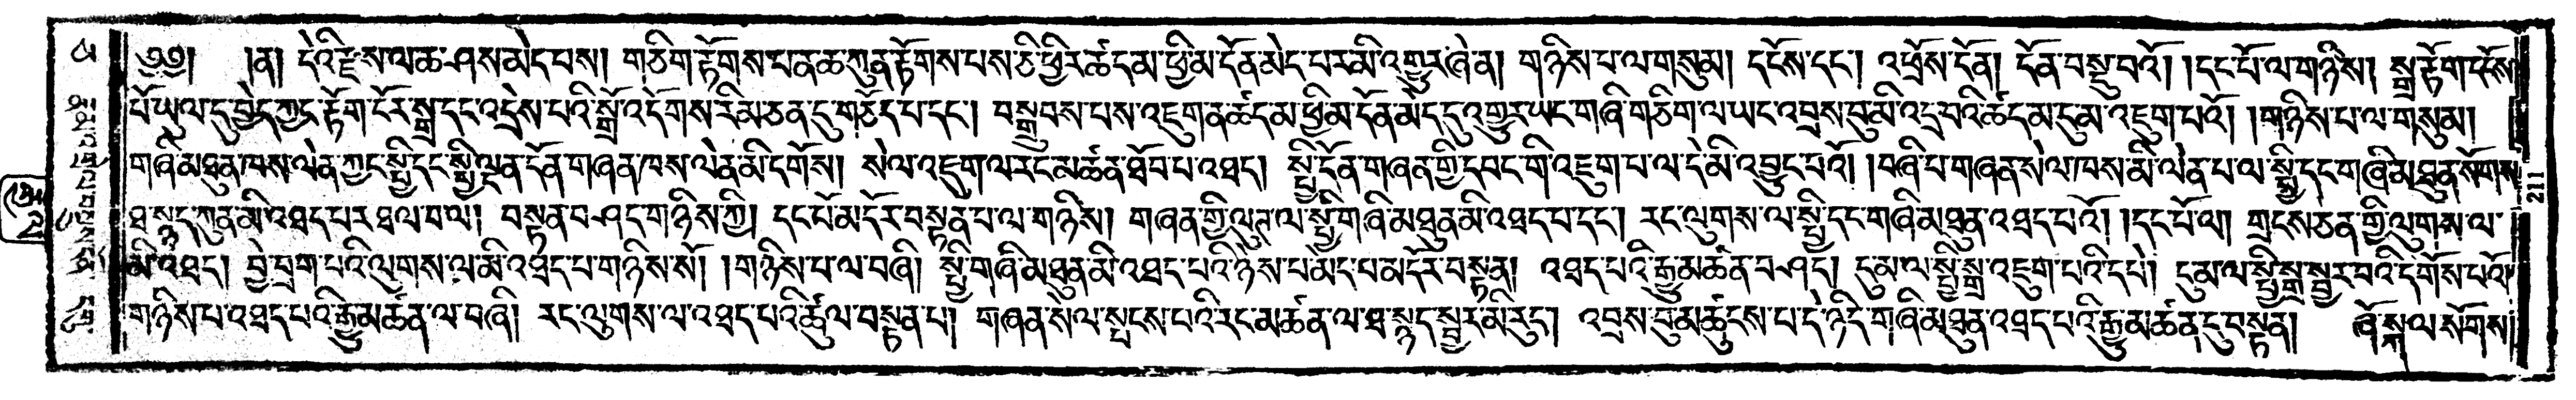༄༅། །ན། དེའི་རྫས་ལ་ཆ་ཤས་མེད་པས། གཅིག་རྟོགས་པ་ན་ཆ་ཀུན་རྟོགས་པས་ཅི་ཕྱིར་ཚད་མ་ཕྱི་མ་དོན་མེད་པར་མི་འགྱུར་ཞེ་ན། གཉིས་པ་ལ་གསུམ། དངོས་དང་། འཕྲོས་དོན། དོན་བསྡུ་བའོ། །དང་པོ་ལ་གཉིས། སྒྲ་རྟོག་དངོས་
པོ་ཡུལ་དུ་བྱེད་ཀྱང་རྟོག་ངོར་སྒྲ་དང་འདྲེས་པའི་སྒྲོ་འདོགས་རིམ་ཅན་དུ་གཅོད་པ་དང་། བསྒྲུབས་པས་འཇུག་ན་ཚད་མ་ཕྱི་མ་དོན་མེད་དུ་འགྱུར་ཡང་ཞི་གཅིག་ལ་ཡང་འབྲས་བུ་མི་འདྲ་བའི་ཚད་མ་དུ་མ་འཇུག་པའོ། །གཉིས་པ་ལ་གསུམ་
གཞི་མཐུན་ཁས་ལེན་ཀྱང་སྤྱི་དང་སྤྱི་ལྡན་དོན་གཞན་ཁས་ལེན་མི་དགོས། སེལ་འཇུག་ལ་རང་མཚན་ཐོབ་པ་འཐད། སྤྱི་དོན་གཞན་གྱི་དབང་གི་འཇུག་པ་ལ་དེ་མི་འབྱུང་བའོ། །བཞི་པ་གཞན་སེལ་ཁས་མི་ལེན་པ་ལ་སྤྱི་དང་གཞི་མཐུན་སོགས་
ཐ་སྙད་ཀུན་མི་འཐད་པར་ཐལ་བ་ལ། བསྟན་བཤད་གཉིས་ཀྱི། དང་པོ་མདོར་བསྟན་པ་ལ་གཉིས། གཞན་གྱི་ལུཌ་ལ་སྤྱི་གཞི་མཐུན་མི་འཐད་པ་དང་། རང་ལུགས་ལ་སྤྱི་དང་གཞི་མཐུན་འཐད་པའོ། །དང་པོ་ལ། གྲངས་ཅན་གྱི་ལུགས་ལ་
མི་འཐད། བྱེ་བྲག་པའི་ལུགས་ལ་མི་འཐད་པ་གཉིས་སོ། །གཉིས་པ་ལ་བཞི། སྤྱི་གཞི་མཐུན་མི་འཐད་པའི་ཉེས་པ་མེད་པ་མདོར་བསྟན། འཐད་པའི་རྒྱུ་མཚན་བཤད། དུ་མ་ལ་སྤྱི་སྒྲ་འཇུག་པའི་དཔེ། དུ་མ་ལ་སྤྱི་སྒྲ་སྦྱར་བའི་དགོས་པའོ་
གཉིས་པ་འཐད་པའི་རྒྱུ་མཚན་ལ་བཞི། རང་ལུགས་ལ་འཐད་པའི་ཚུལ་བསྟན་པ། གཞན་སེལ་སྤངས་པའི་རང་མཚན་ལ་ཐ་སྙད་སྦྱར་མི་རུང་། འབྲས་བུ་མཚུངས་པ་དེ་ཉིད་གཞི་མཐུན་འཐད་པའི་རྒྱུ་མཚན་དུ་བསྟན། ཞོ་སྐལ་སོགས་